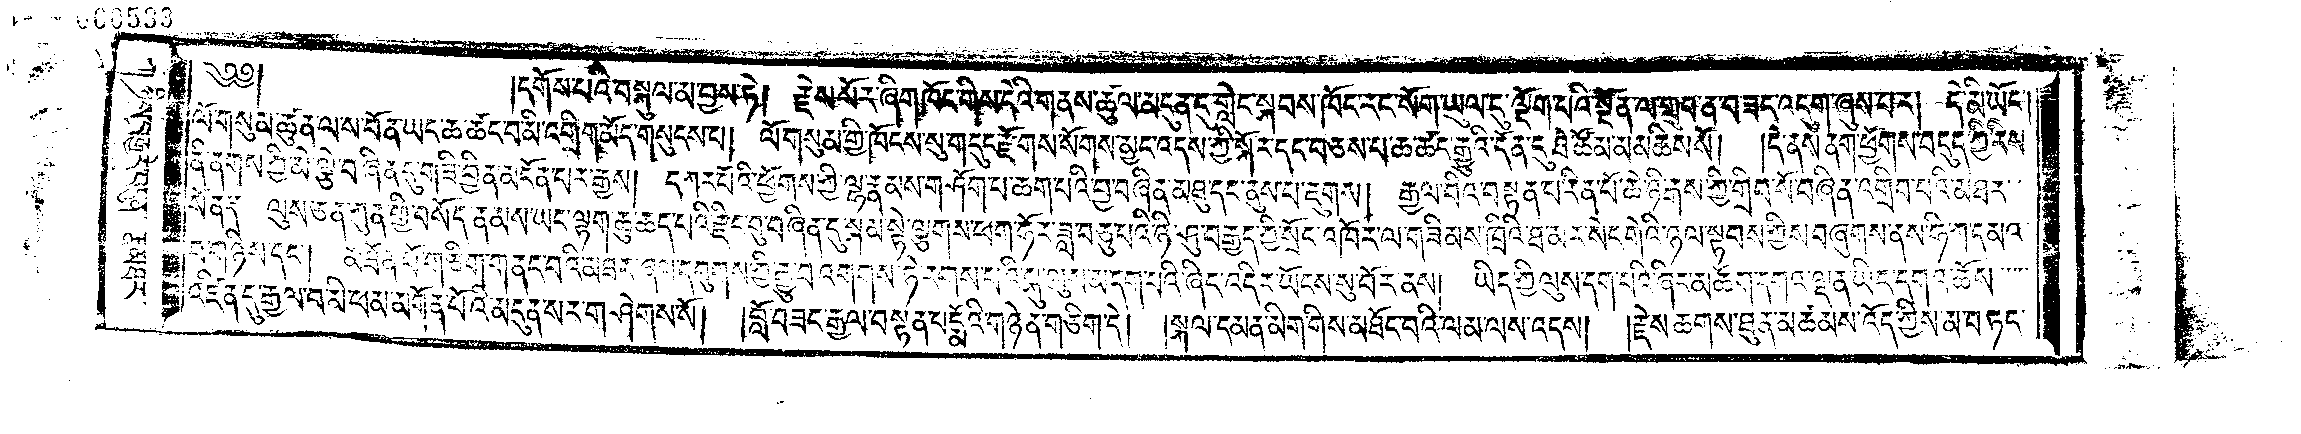༄༅། །དགོས་པའི་བསྐུལ་མ་བྱས་ཏེ། རྗེས་སོར་ཞིག་ཁོང་གིས་དེའི་གནས་ཚུལ་མདུན་དུ་གླེང་སྐབས་ཁོང་རང་སོག་ཡུལ་དུ་ལྡོག་པའི་སྔོན་ལ་གྲུབ་ན་བཟང་འདུག་ཞུས་པར། དེ་མི་ཡོང་།
ལོ་གསུམ་ཚུན་ལས་བོན་ཡང་ཆ་ཚང་བ་མི་འགྲིག་མོད་གསུངས་པ། ལོ་གསུམ་གྱི་ཁོངས་སུ་གདུང་རྫོགས་སོགས་མྱང་འདས་ཀྱི་སྐོར་དང་བཅས་པ་ཆ་ཚང་རྒྱུའི་དོན་དུ་ཐེ་ཚོམ་མ་མཆིས་སོ། །དེ་ནས་ནག་ཕྱོགས་བདུད་ཀྱི་རིས་
ནི་ནགས་ཀྱི་མེ་ལྕེ་བཞིན་དུ་གཟི་བྱིན་མངོན་པར་རྒྱས། དཀར་པོའི་ཕྱོགས་ཀྱི་ལྷ་རྣམས་གཤོག་པ་ཆག་པའི་བྱ་བཞིན་མཐུ་དང་ནུས་པ་རྡུགས། རྒྱལ་བའི་བསྟན་པ་རིན་པོ་ཆེ་ཉི་རྒས་ཀྱི་གྲིབ་སོ་བཞིན་འགྲིབ་པའི་མཐར་
སོན༑ ལུས་ཅན་ཀུན་གྱི་བསོད་ནམས་ཡང་ལྟག་ཆུ་ཆད་བའི་རྫིད་བུ་བཞིན་དུ་སྐམ་སྟེ་ལྕགས་ཕག་ཧོར་ཟླ་བཅུ་པའི་ཉི་ཤུ་བརྒྱད་ཀྱི་སྲོང་འཁོར་ལ་གཟིམས་ཁྲིའི་ཐ་མར་སེང་གེའི་ཉལ་སྟབས་ཀྱིས་བཞུགས་ནས་ཧིཀ་དམའ་
བ་གཉིས་དང་། མཐོན་པོ་གཅིག་གནང་བའི་མཐར་ཞལ་དབུགས་ཀྱི་རྒྱུ་བ་འགགས་ཏེ་རགས་པའི་སྐུ་ལུས་མ་དག་པའི་ཞིང་འདིར་ཡོངས་སུ་པོར་ནས། ཡིད་ཀྱི་ལུས་དག་པའི་ཞིང་མཆོག་དགའ་ལྡན་ཡིད་དགའ་ཆོས་
འཛིན་དུ་རྒྱལ་བ་མི་ཕམ་མགོན་པོའི་མདུན་སར་གཤེགས་སོ། །བློ་བཟང་རྒྱལ་བསྟན་པདམོའི་གཉེན་གཅིག་དེ། །སྐལ་དམན་མིག་གིས་མཐོང་བའི་ལམ་ལས་འདས། །རྗེས་ཆགས་ཐུན་མཚམས་འོང་ཀྱིས་མ་བཏང་